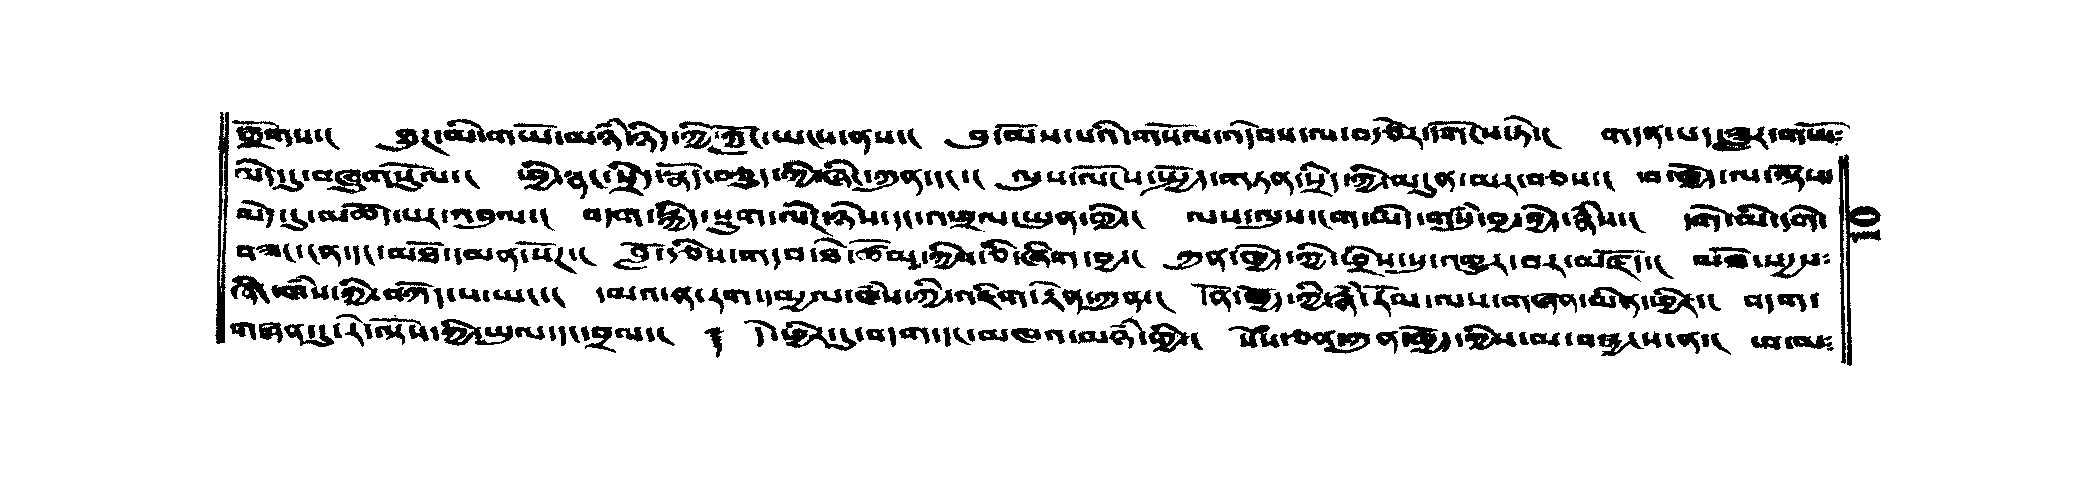སྒྲོགས། །ཐུགས་མི་གཡོ་མཉམ་ཉིད་ཀྱི་ཀློང་ཡངས་ནས། །བུ་མོས་པའི་གསོལ་འདེབས་ལ་བརྩེར་དགོངས་ཏེ། །གདན་པད་ཟླར་གཡོ་
མེད་དུ་བཞུགས་སུ་གསོལ། །ཕྱི་སྣང་སྲིད་སྣོད་བཅུད་ཀྱི་ཞིང་ཀུན་དང་། །ལུས་ལོངས་སྤྱོད་གཏན་སྲིད་ཀྱི་མདུན་མར་བཅས། །ཕ་ཁྱོད་ལ་ལྟོས་
མེད་དུ་མཆོད་པར་འབུལ། །བདག་སྐྱིད་སྡུག་ལེགས་ཉེས་དང་འཕྲལ་ཡུན་གྱི། །ལས་ལུས་ངག་ཡིད་གསུམ་བྱ་བྱེད་རྣམས། །དགེ་མི་དགེ་
བཟང་ངན་དང་མཐོ་དམན་སོགས། བློ་རྩིས་གདབ་ཐེ་ཚོམས་ཀྱིས་ཅི་ཞིག་བྱ། །ཀུན་ཁྱེད་ཀྱི་ཕྲིན་ལས་སུ་འགྱུར་བར་མཛོད། །མཐོ་སངས་རྒྱས་
ཞིང་ཁམས་ཀྱི་བཀོད་པ་ཡང་། །དམའ་ན་རག་དམྱལ་ཁམས་ཀྱི་འཇིག་རྟེན་ཀུན། །དོན་ཁྱོད་ཀྱི་རྣམ་རོལ་ལས་གཞན་མིན་ཕྱིར། །བདག་
གཞན་དུ་རེ་ལྟོས་ཀྱི་ཡུལ་དང་བྲལ། ༈ དེ་ཕྱིར་དུ་བདག་དང་མཁའ་མཉམ་གྱི། །སེམས་ཅན་ཀུན་ཁྱོད་ཀྱིས་མ་བསྐྱངས་ན། ཕ་མ་